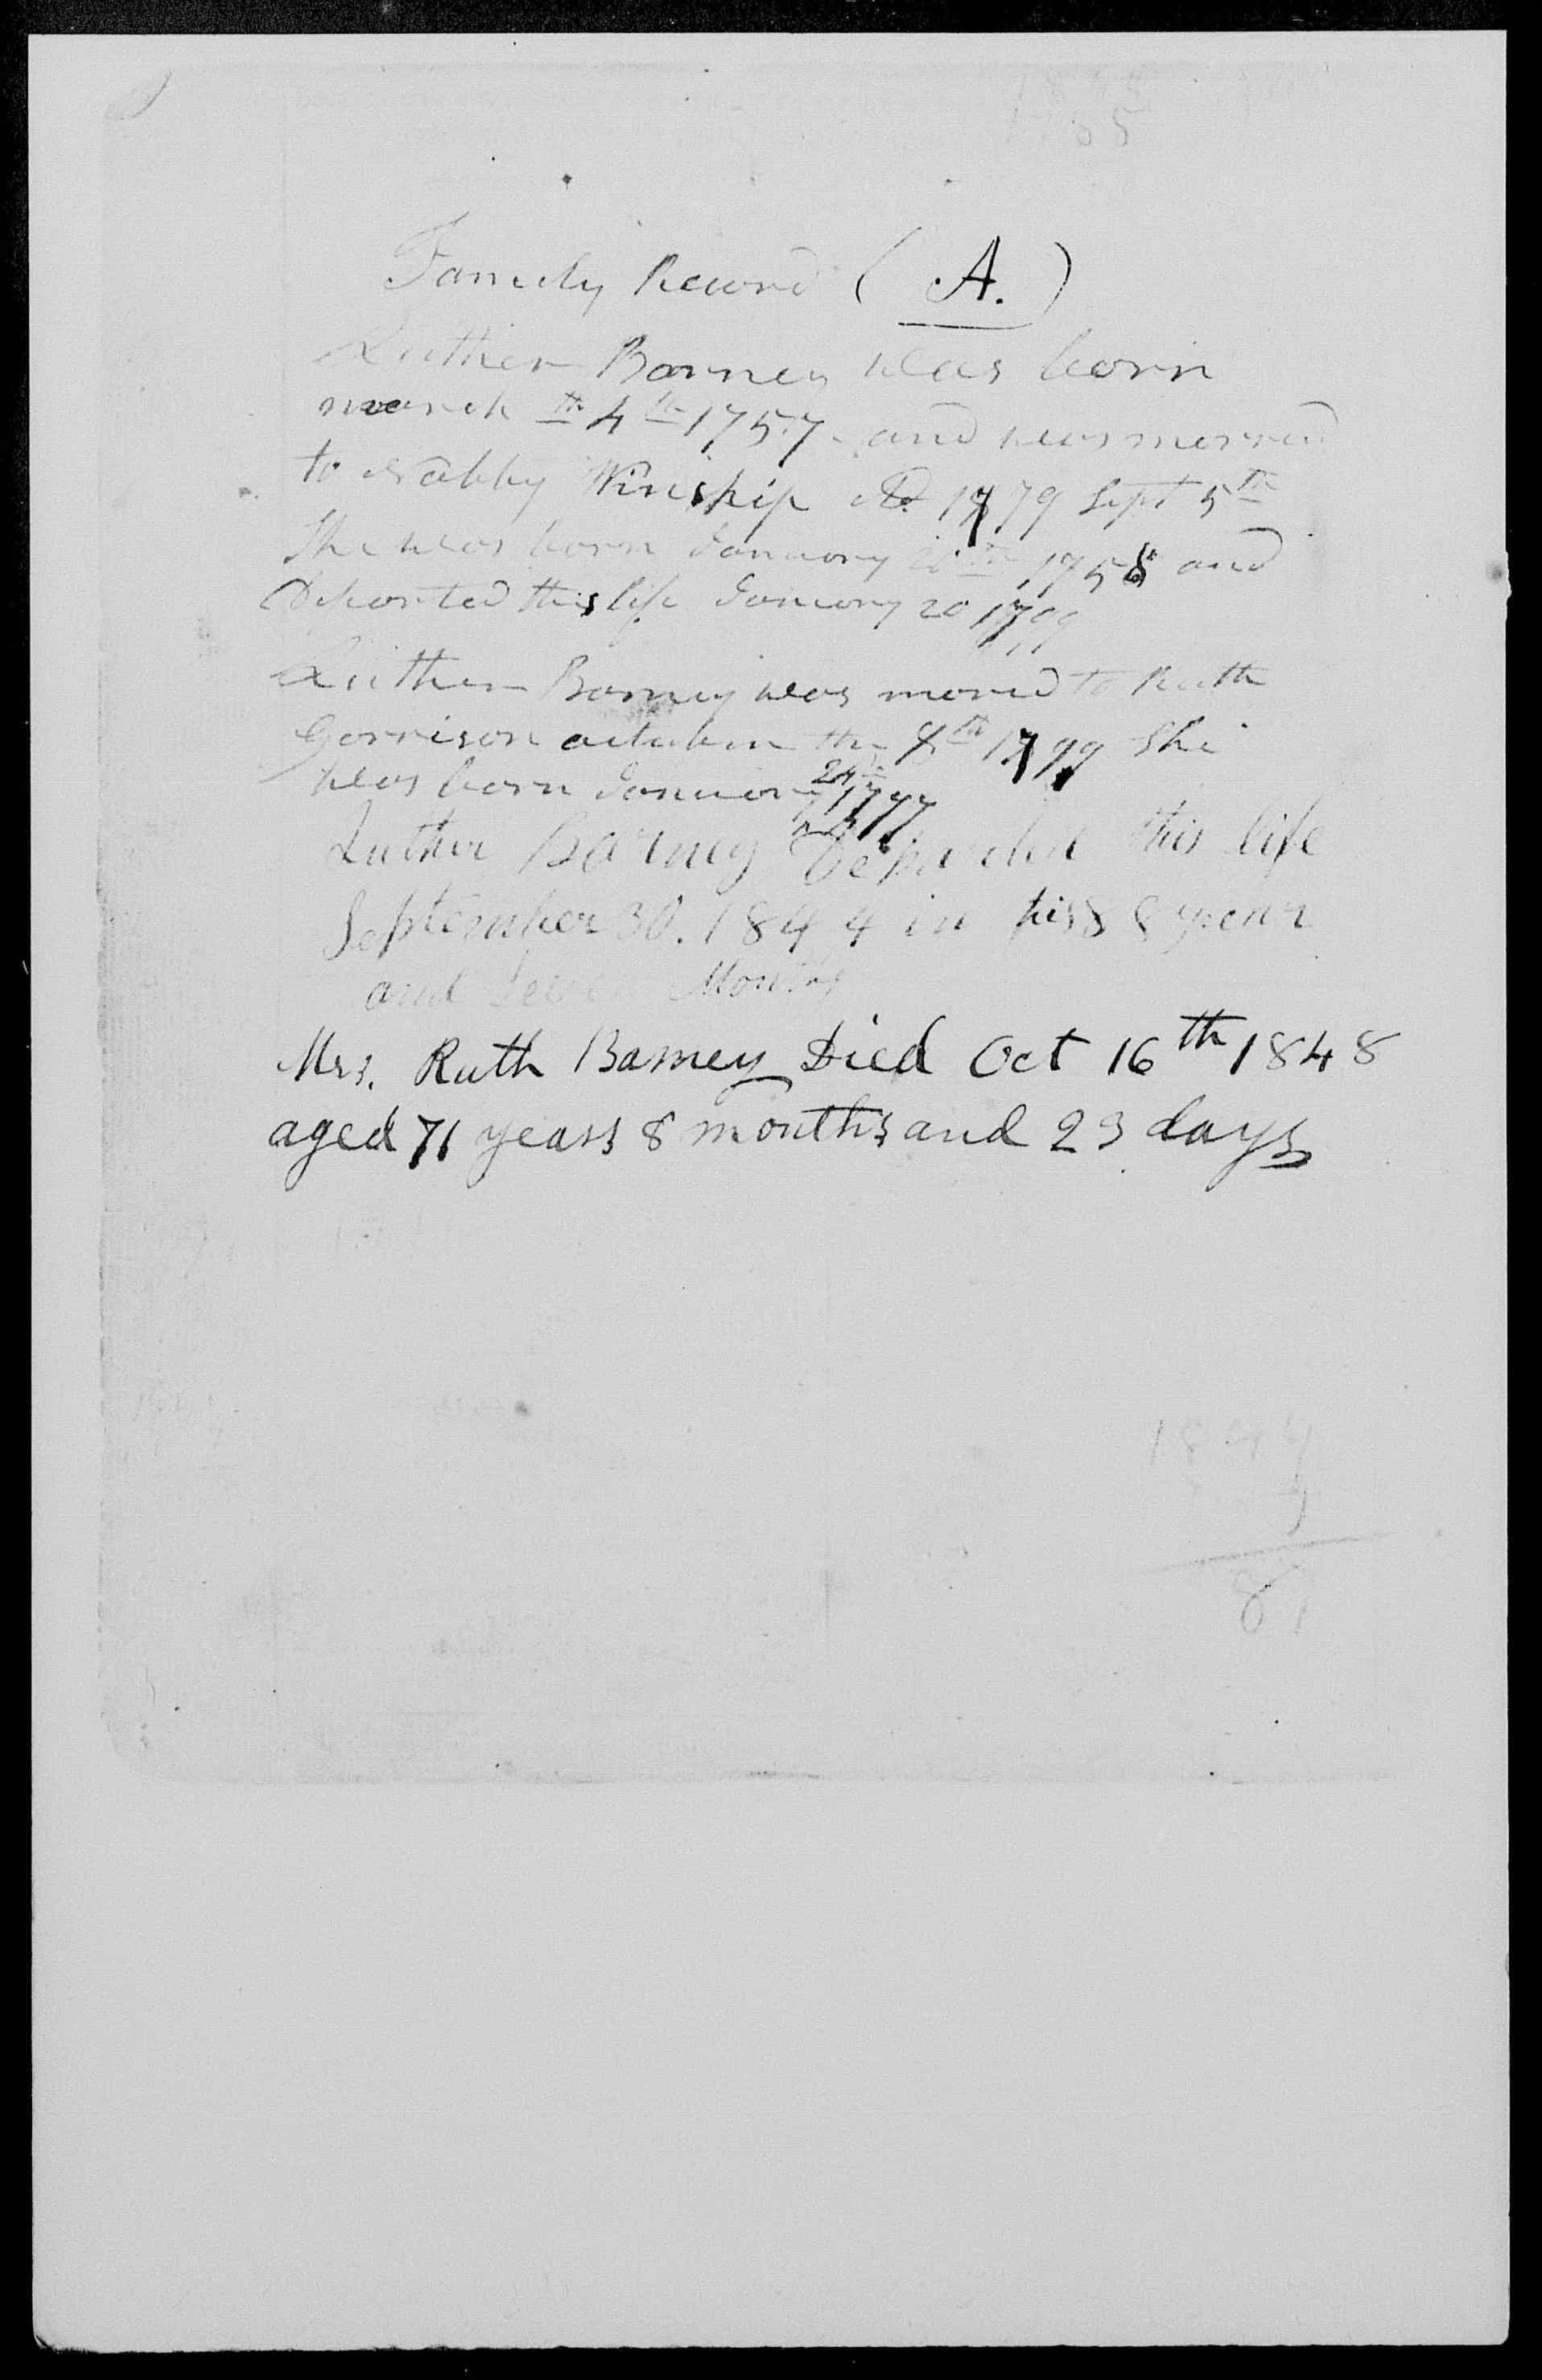Family Record (A.)
Luther Barney was born
March the 4th 1757 and was married
to Nabby Winship A. 1779 Sept 5th
She was born January 20th 1758 and
Departed this life January 20 1799
Luther Barney was moved to Ruth
Garrison October the 8th 1799. She
was born January 24th 1777
Luther Barney departed this life
September 30, 1844 in his 88 [?] year
and seven months
Mrs. Ruth Barney Died Oct 16th 1848
aged 71 years 8 months and 23 days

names: Luther Barney, Luther Barney, Ruth Barney, Luther Barney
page: 19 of 61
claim: widow's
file: W. 4.124, Luther Barney, Conn. Privateer.